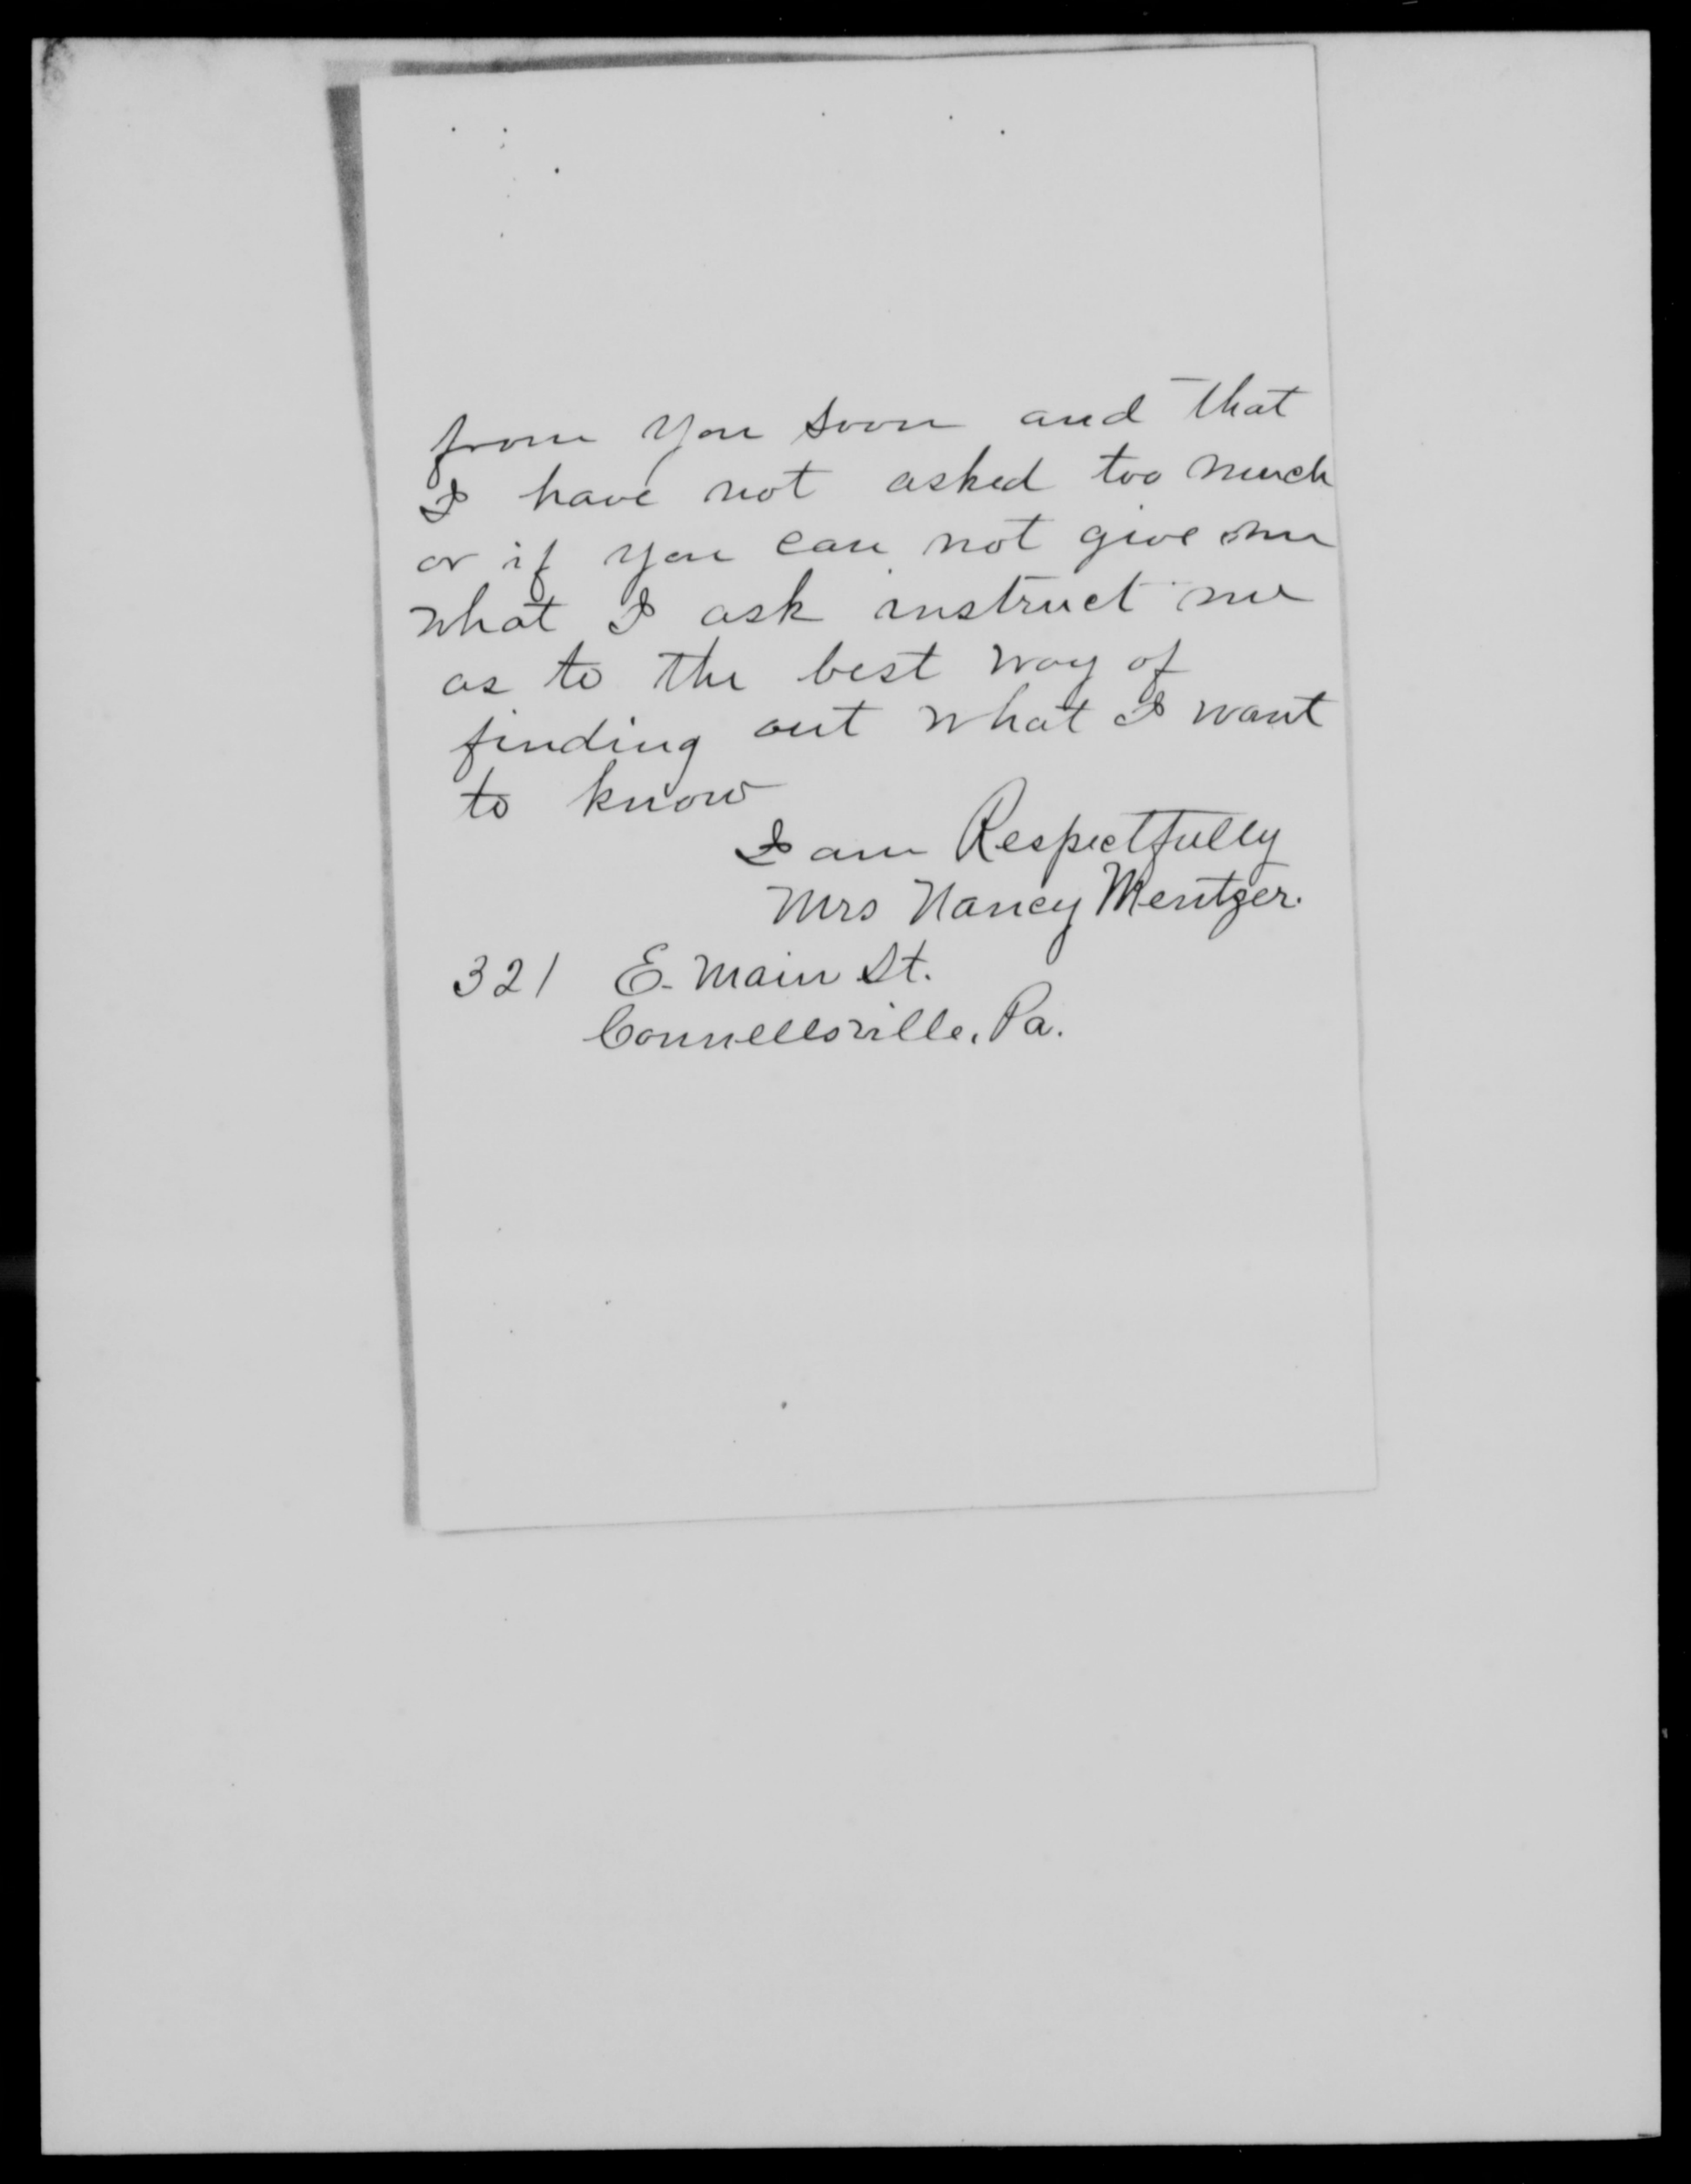from you soon and that I have not asked too much or if you can not give me what I ask instruct me as to the best way of finding out what I want to know.

I am Respectfully
Mrs. Nancy Mentzer

321 E. Main St.
Connellsville, Pa.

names: Nancy Mentzer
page: 19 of 73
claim: widow's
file: W. 3197, for Peter Stillwagon, New Jersey